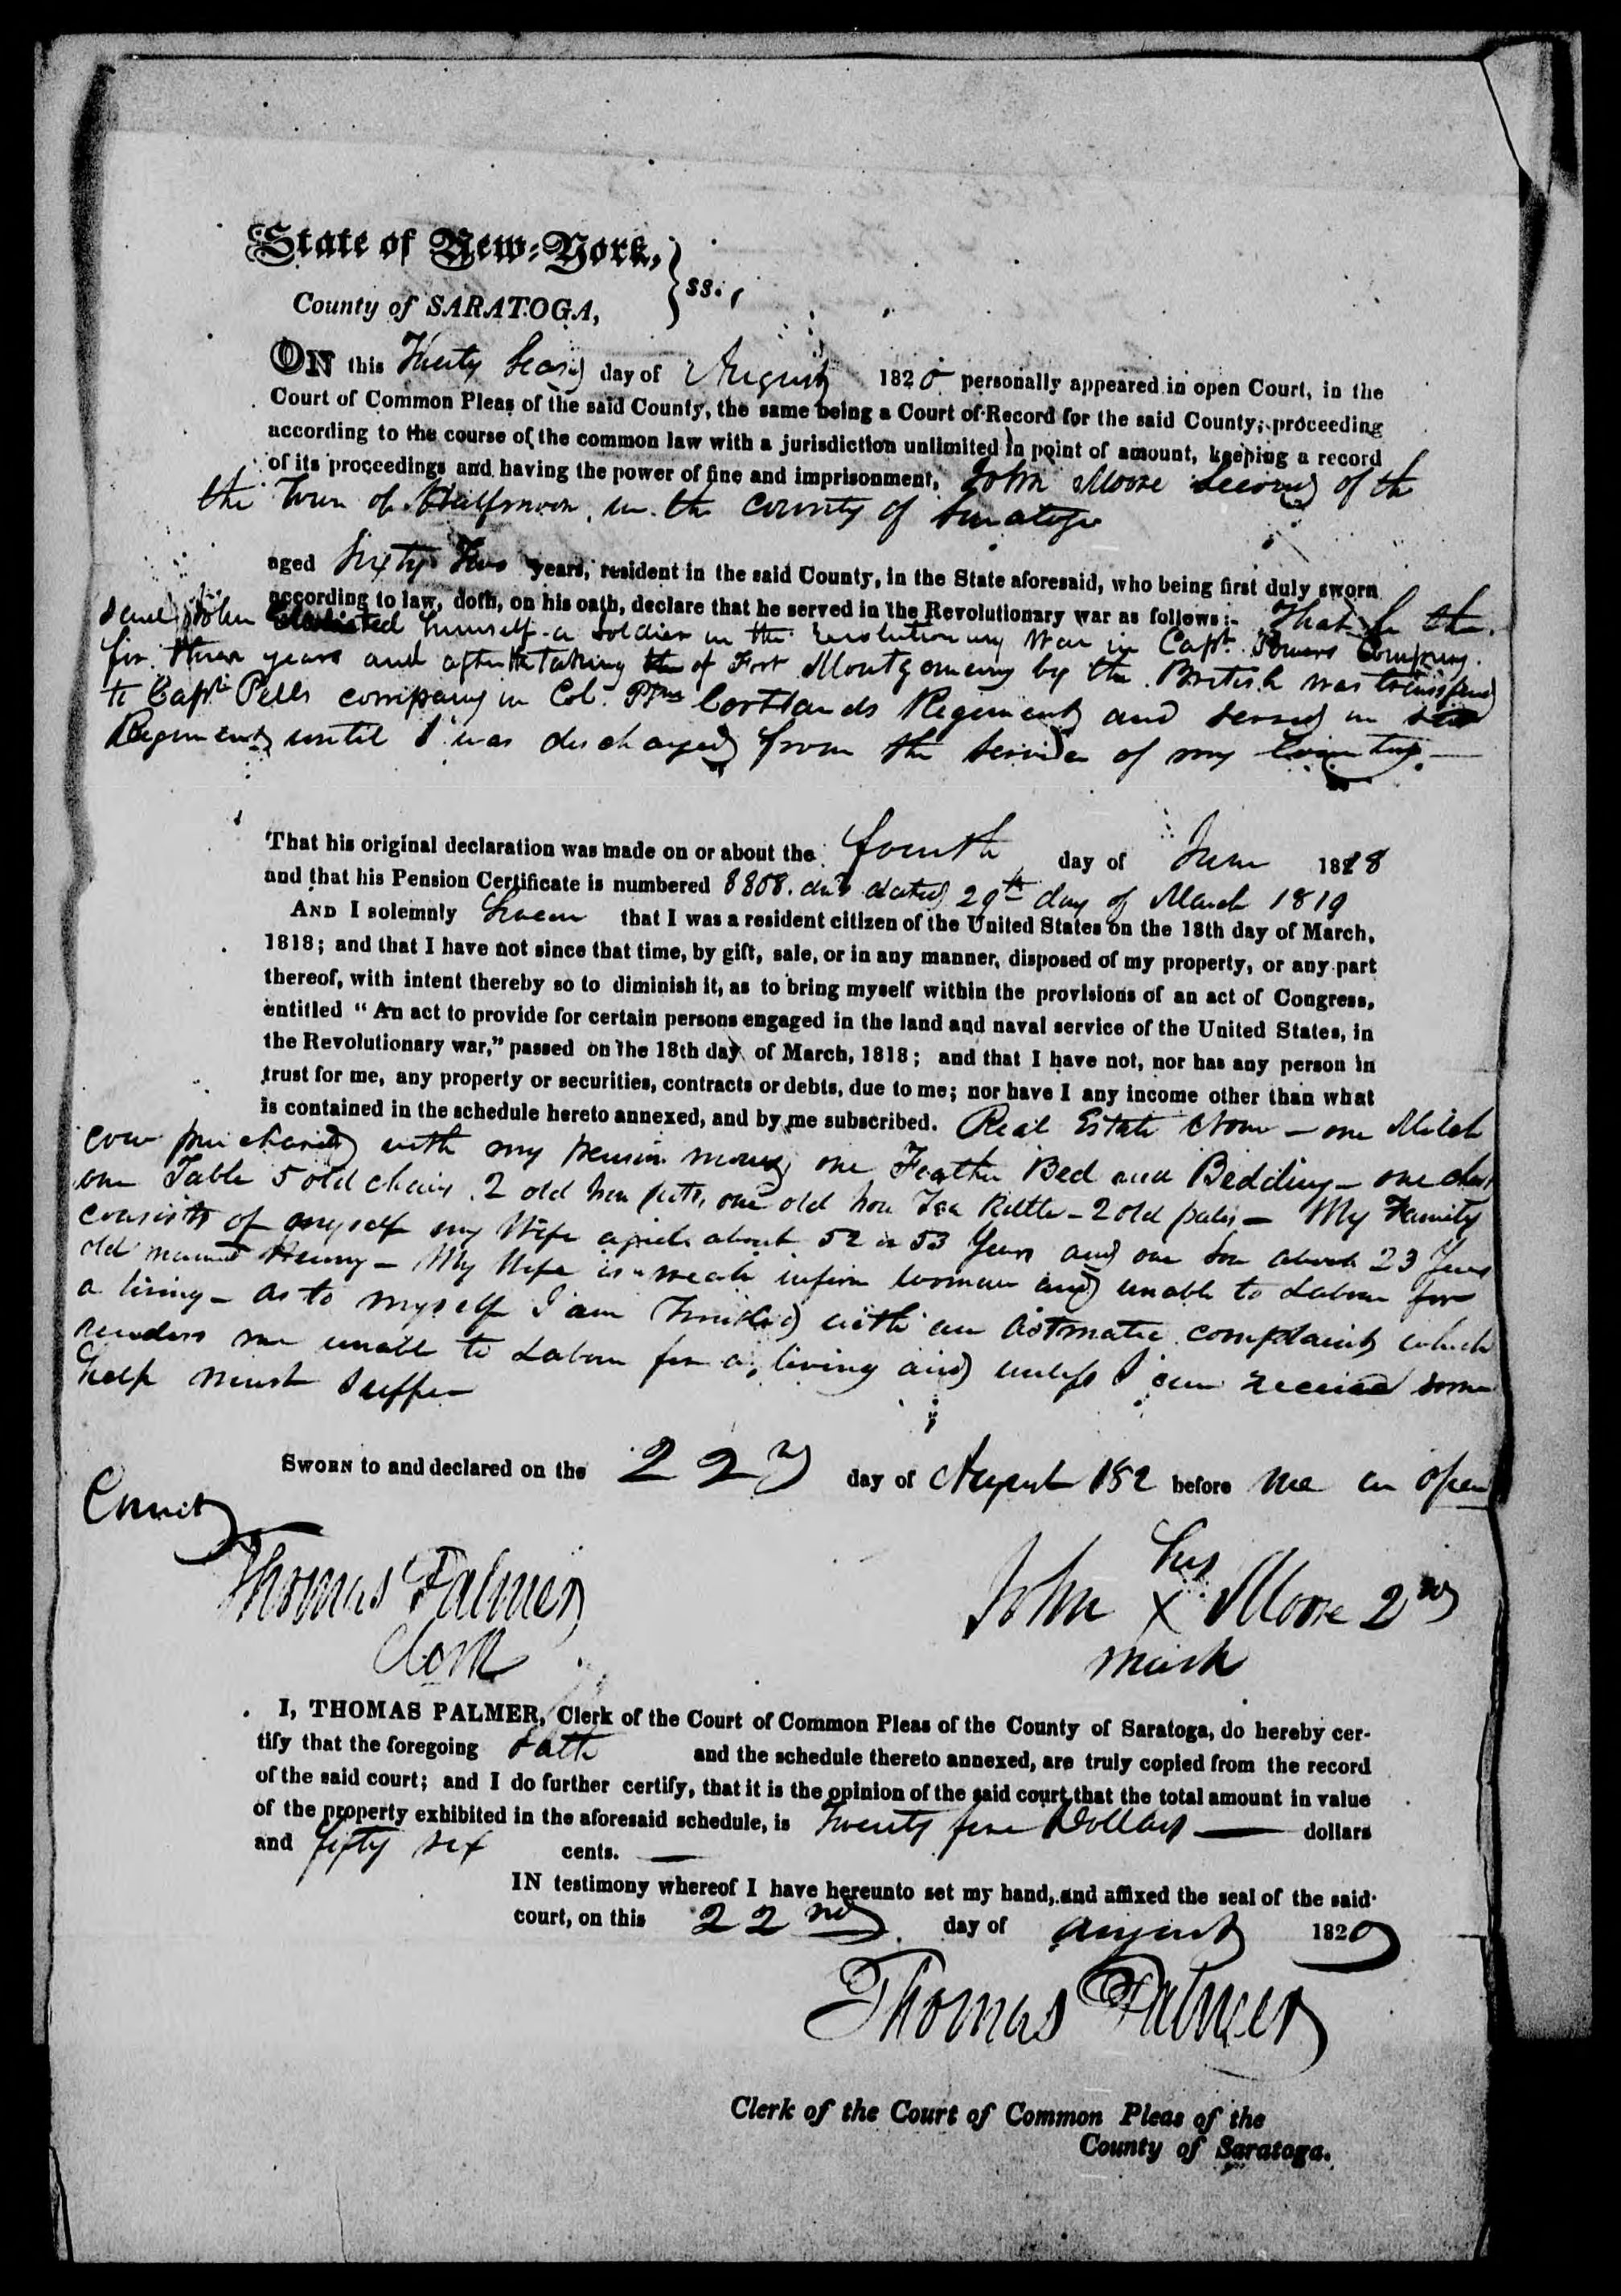State of New-York 
County of SARATOGA } ss.
On this Twenty second day of August 1820, personally appeared in open Court, in the Court of Common Pleas of the said County, the same being a Court of Record for the said County, proceeding according to the course of the common law with a jurisdiction unlimited in point of amount, keeping a record of its proceedings and having the power of fine and imprisonment, John Moore second of the Town of Halfmoon in the County of Saratoga aged Sixty Two years, resident in the said County, in the State aforesaid, who being first duly sworn according to law, doth, on his oath, declare that he served in the Revolutionary war as follows: That he the said John enlisted himself a soldier in the Revolutionary war in Capt Powers Company for three years and after the taking of Fort Montgomery by the British was transferred to Capt Pells company in Col. P Van Cortlands Regiment and served in said Regiment until I was discharged from the service of my country 
That his original declaration was made on or about the fourth day of June 1818 and that his Pension Certificate is numbered 8808 and dated 29th day of March 1819 
AND I solemnly swear that I was a resident citizen of the United States on the 18th day of March 1818; and that I have not since that time, by gift, sale, or in any manner, disposed of my property, or any part thereof, with intent thereby so to diminish it, as to bring myself within the provisions of an act of Congress, entitled "An act to provide for certain persons engaged in the land and naval service of the United States, in the Revolutionary war,” passed on the 18th day of March, 1818; and that I have not, nor has any person in trust for me, any property or securities, contracts or debts, due to me; nor have I any income other than what is contained in the schedule hereto annexed, and by me subscribed Real Estate none - one Milch cow purchased with my pension monies, one Feather Bed and Bedding – one chest one Table 5 old chairs. 2 old iron pots, one old iron Tea Kettle - 2 old pales [pails]- My Family consists of myself my wife aged about 52 or 53 years and one Son about 23 years old named Henry - My Wife is a weak infirm woman and unable to labor for a living - as to myself I am troubled with an astmatic [asthmatic] complaints which renders me unable to labor for a living and unless I am received some help must suffer 
Sworn to and declared on the 22 day of August 182 before me in open Court
[signed] John Moore 2nd  X his mark
[signed] Thomas Palmer Clerk 

I, THOMAS PALMER, Clerk of the Court of Common Pleas of the County of Saratoga, do hereby certify that the foregoing oath and the schedule thereto annexed, are truly copied from the record of the said court; and I do further certify, that it is the opinion of the said court that the total amount in value of the property exhibited in the aforesaid schedule, is Twenty five dollars and fifty six cents. 
In testimony whereof I have hereunto set my hand and affixed the seal of the said court, on this 22 day of August 1820
[signed] Thomas Palmer Clerk of the Court of Common Pleas of the County of Saratoga.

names: John Moore; Thomas Palmer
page: 4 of 15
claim: survivor's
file: S. 43029, for John Moore, New York